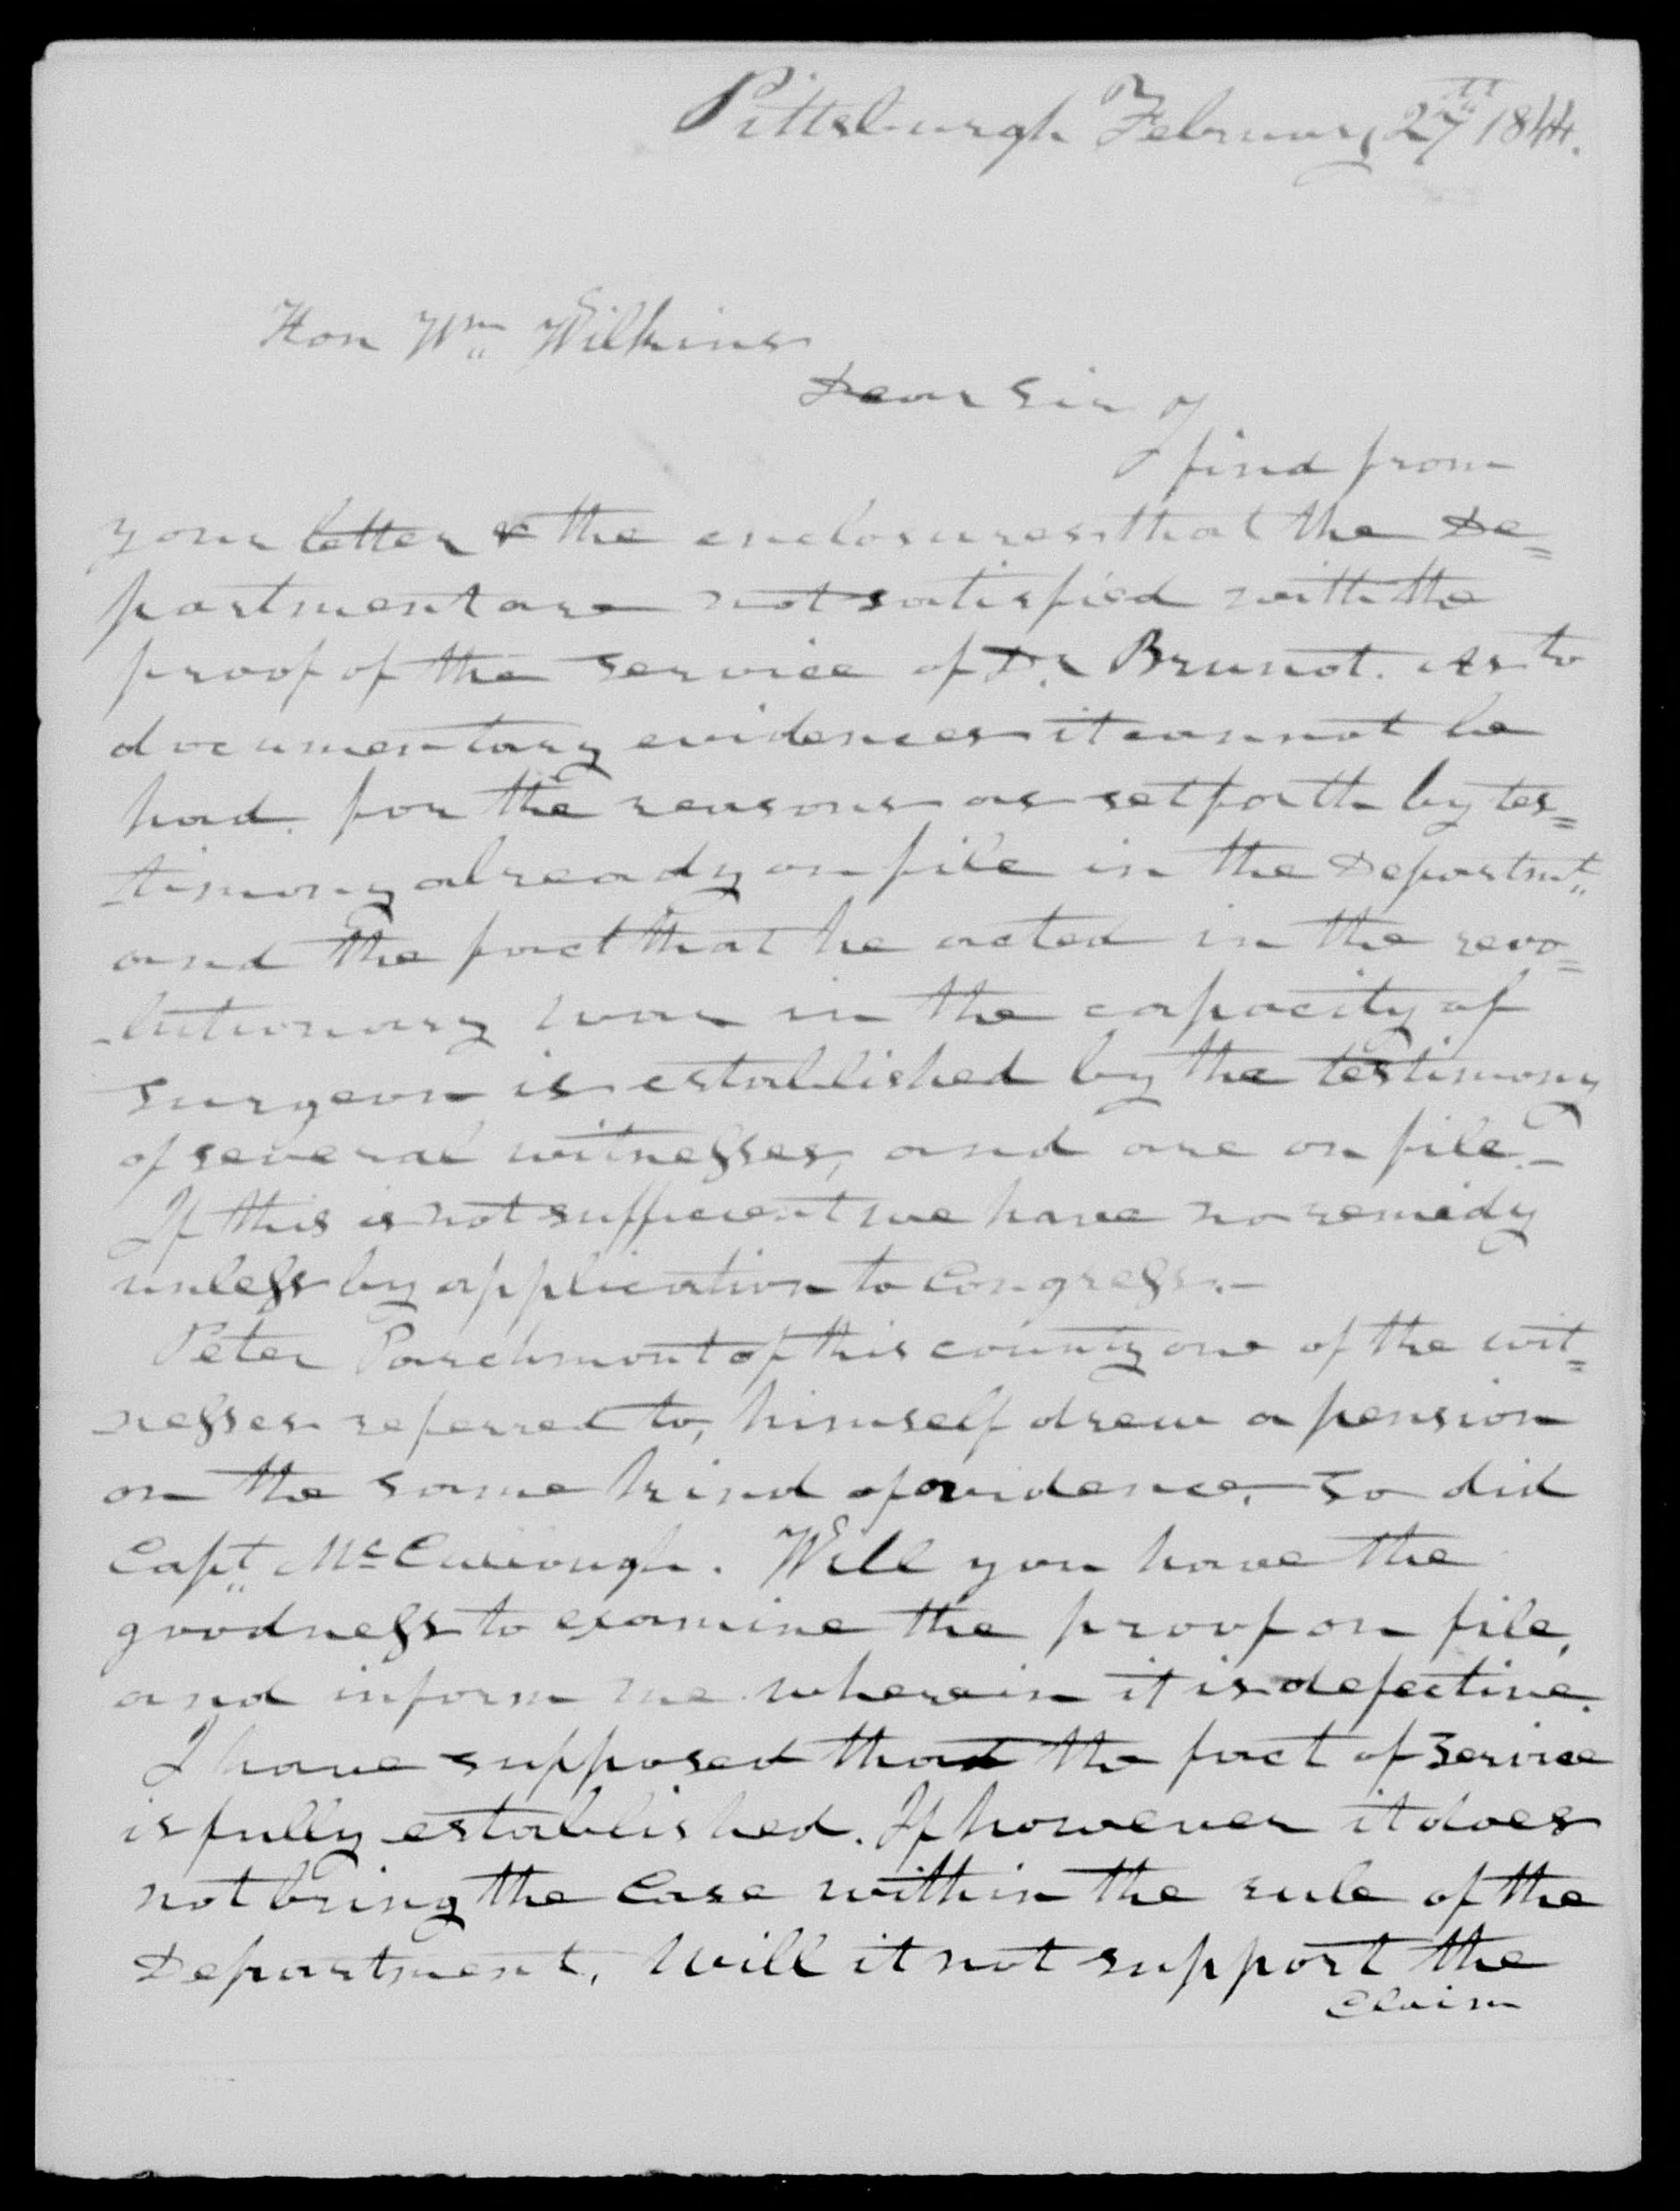Pittsburgh February 27th 1844. 
Hon Wm Wilkins
Dear Sir
I find from your letter & the enclosures that the Department are not satisfied with the proof of the service of Dr Brunot. As to documentary evidences it cannot be had for the reasons as set forth by testimony already on file in the Department and the fact that he acted in the revolutionary war in the capacity of Surgeon is established by the testimony of several witnesses, and are on file. If this is not sufficient we have no remedy unless by application to Congress. 
Peter Parchmont of this county one of the witnesses referred to, himself drew a pension on the same kind of evidence. So did Capt McCullough. Will you have the goodness to examine the proof on file, and inform me wherein it is defective. I have supposed that the fact of Service is fully established. If however it does not bring the case within the rule of the Department, will it not support the claim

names: Brunot, Mc Cullough, Peter Parchment, Wm Wilkins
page: 29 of 34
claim: rejected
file: R. 1371, Felix Brunot, Penn.